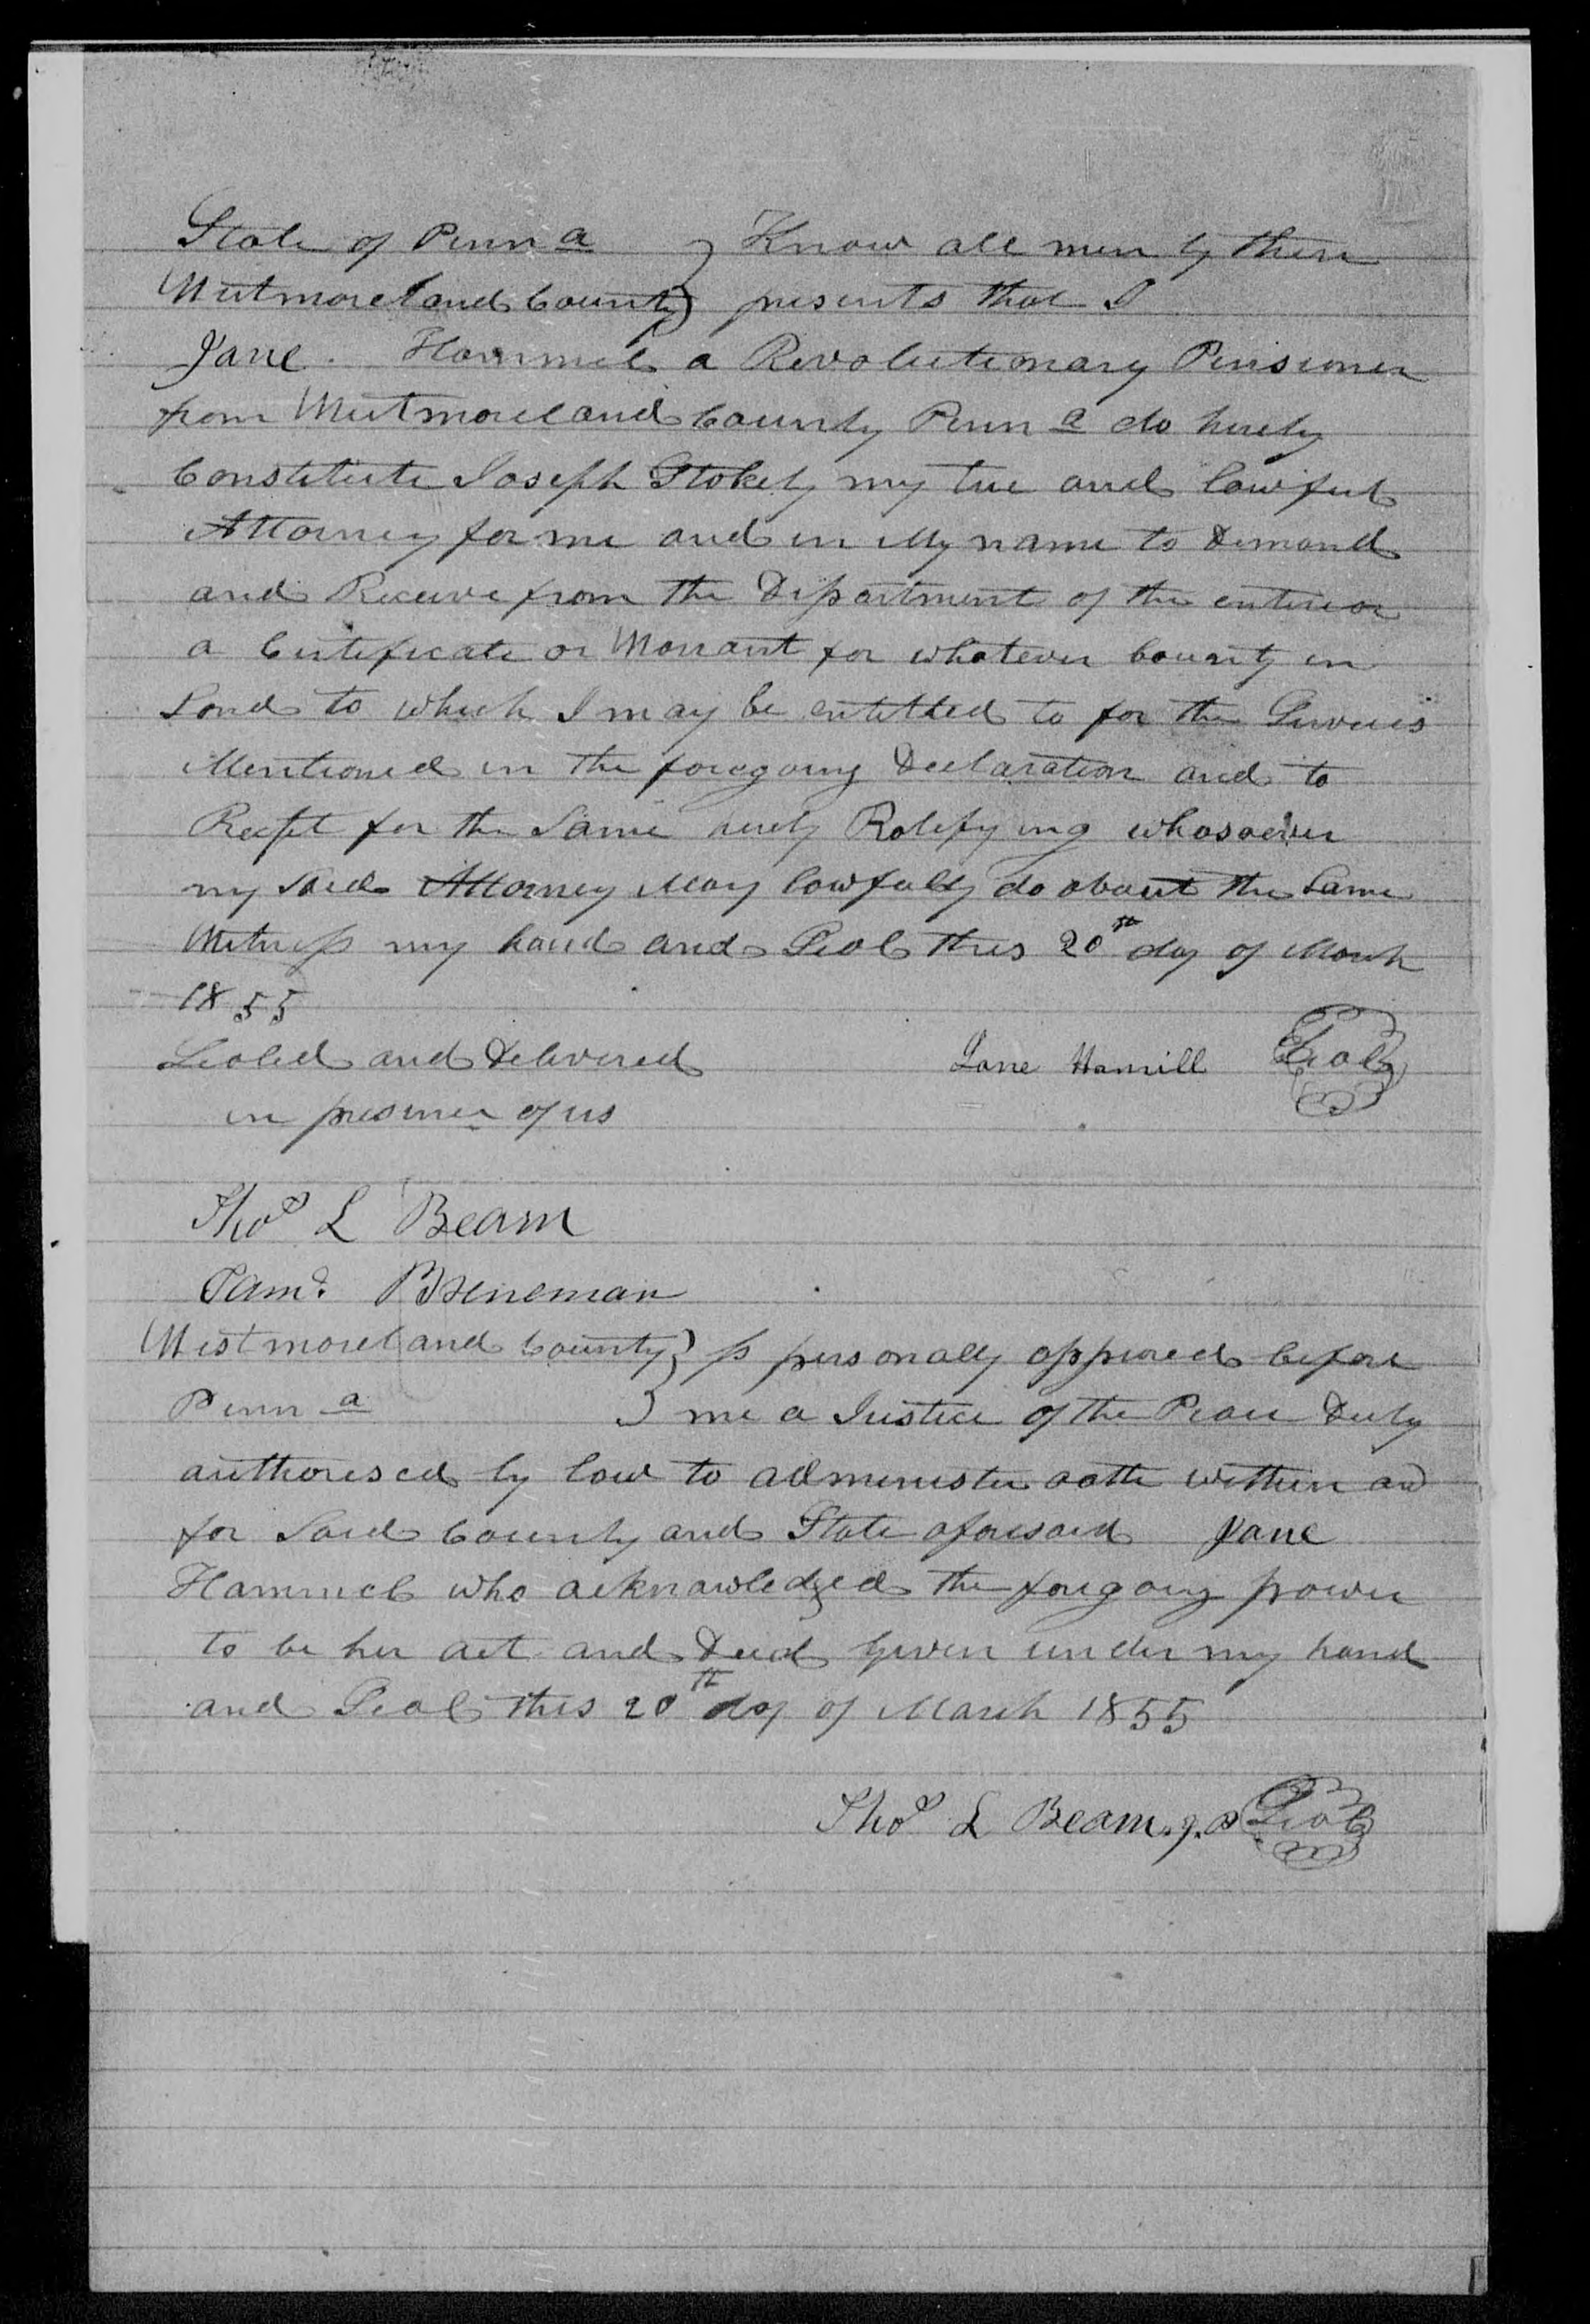State of Penna
Westmoreland County

   Know all men by there presents that I Jane Hammell a Revolutionary Pensioner from Westmoreland County Penna do hereby constitute Joseph Stokely my true and lawful Attorney for me and in my name to demand and receive from the Department of the Interior a Certificate or Warrant for whatever bounty in Lands to which I may be entitled to for the previous mentioned in the foregoing declaration and to recpt for the same and ratifying whosoever my said Attorney may lawfully do about the same.  Witness my hand and seal this 20th day of March 1855.
     Sealed and delivered            Jane Hammill
     in presence of us

Tho L Beam
Sam Brineman

Westmoreland County
Penna      SS

Personally appeared before me a Justice of the Peace duly authorized by law to administer oath withing and for said County and State aforesaid Jane Hammel who acknowledges the foregoing power to be her act and deed given under my hand and seal this 20th day of March 1855.

                Tho L. Beam, J.P.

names: Jane Hammel, Jane Hamill, Jane Hammel, Thos L Beam, Joseph Stokely, Thos L Beam, Saml Breneman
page: 24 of 92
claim: widow's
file: W 1173, Robert Hamill, Penn.